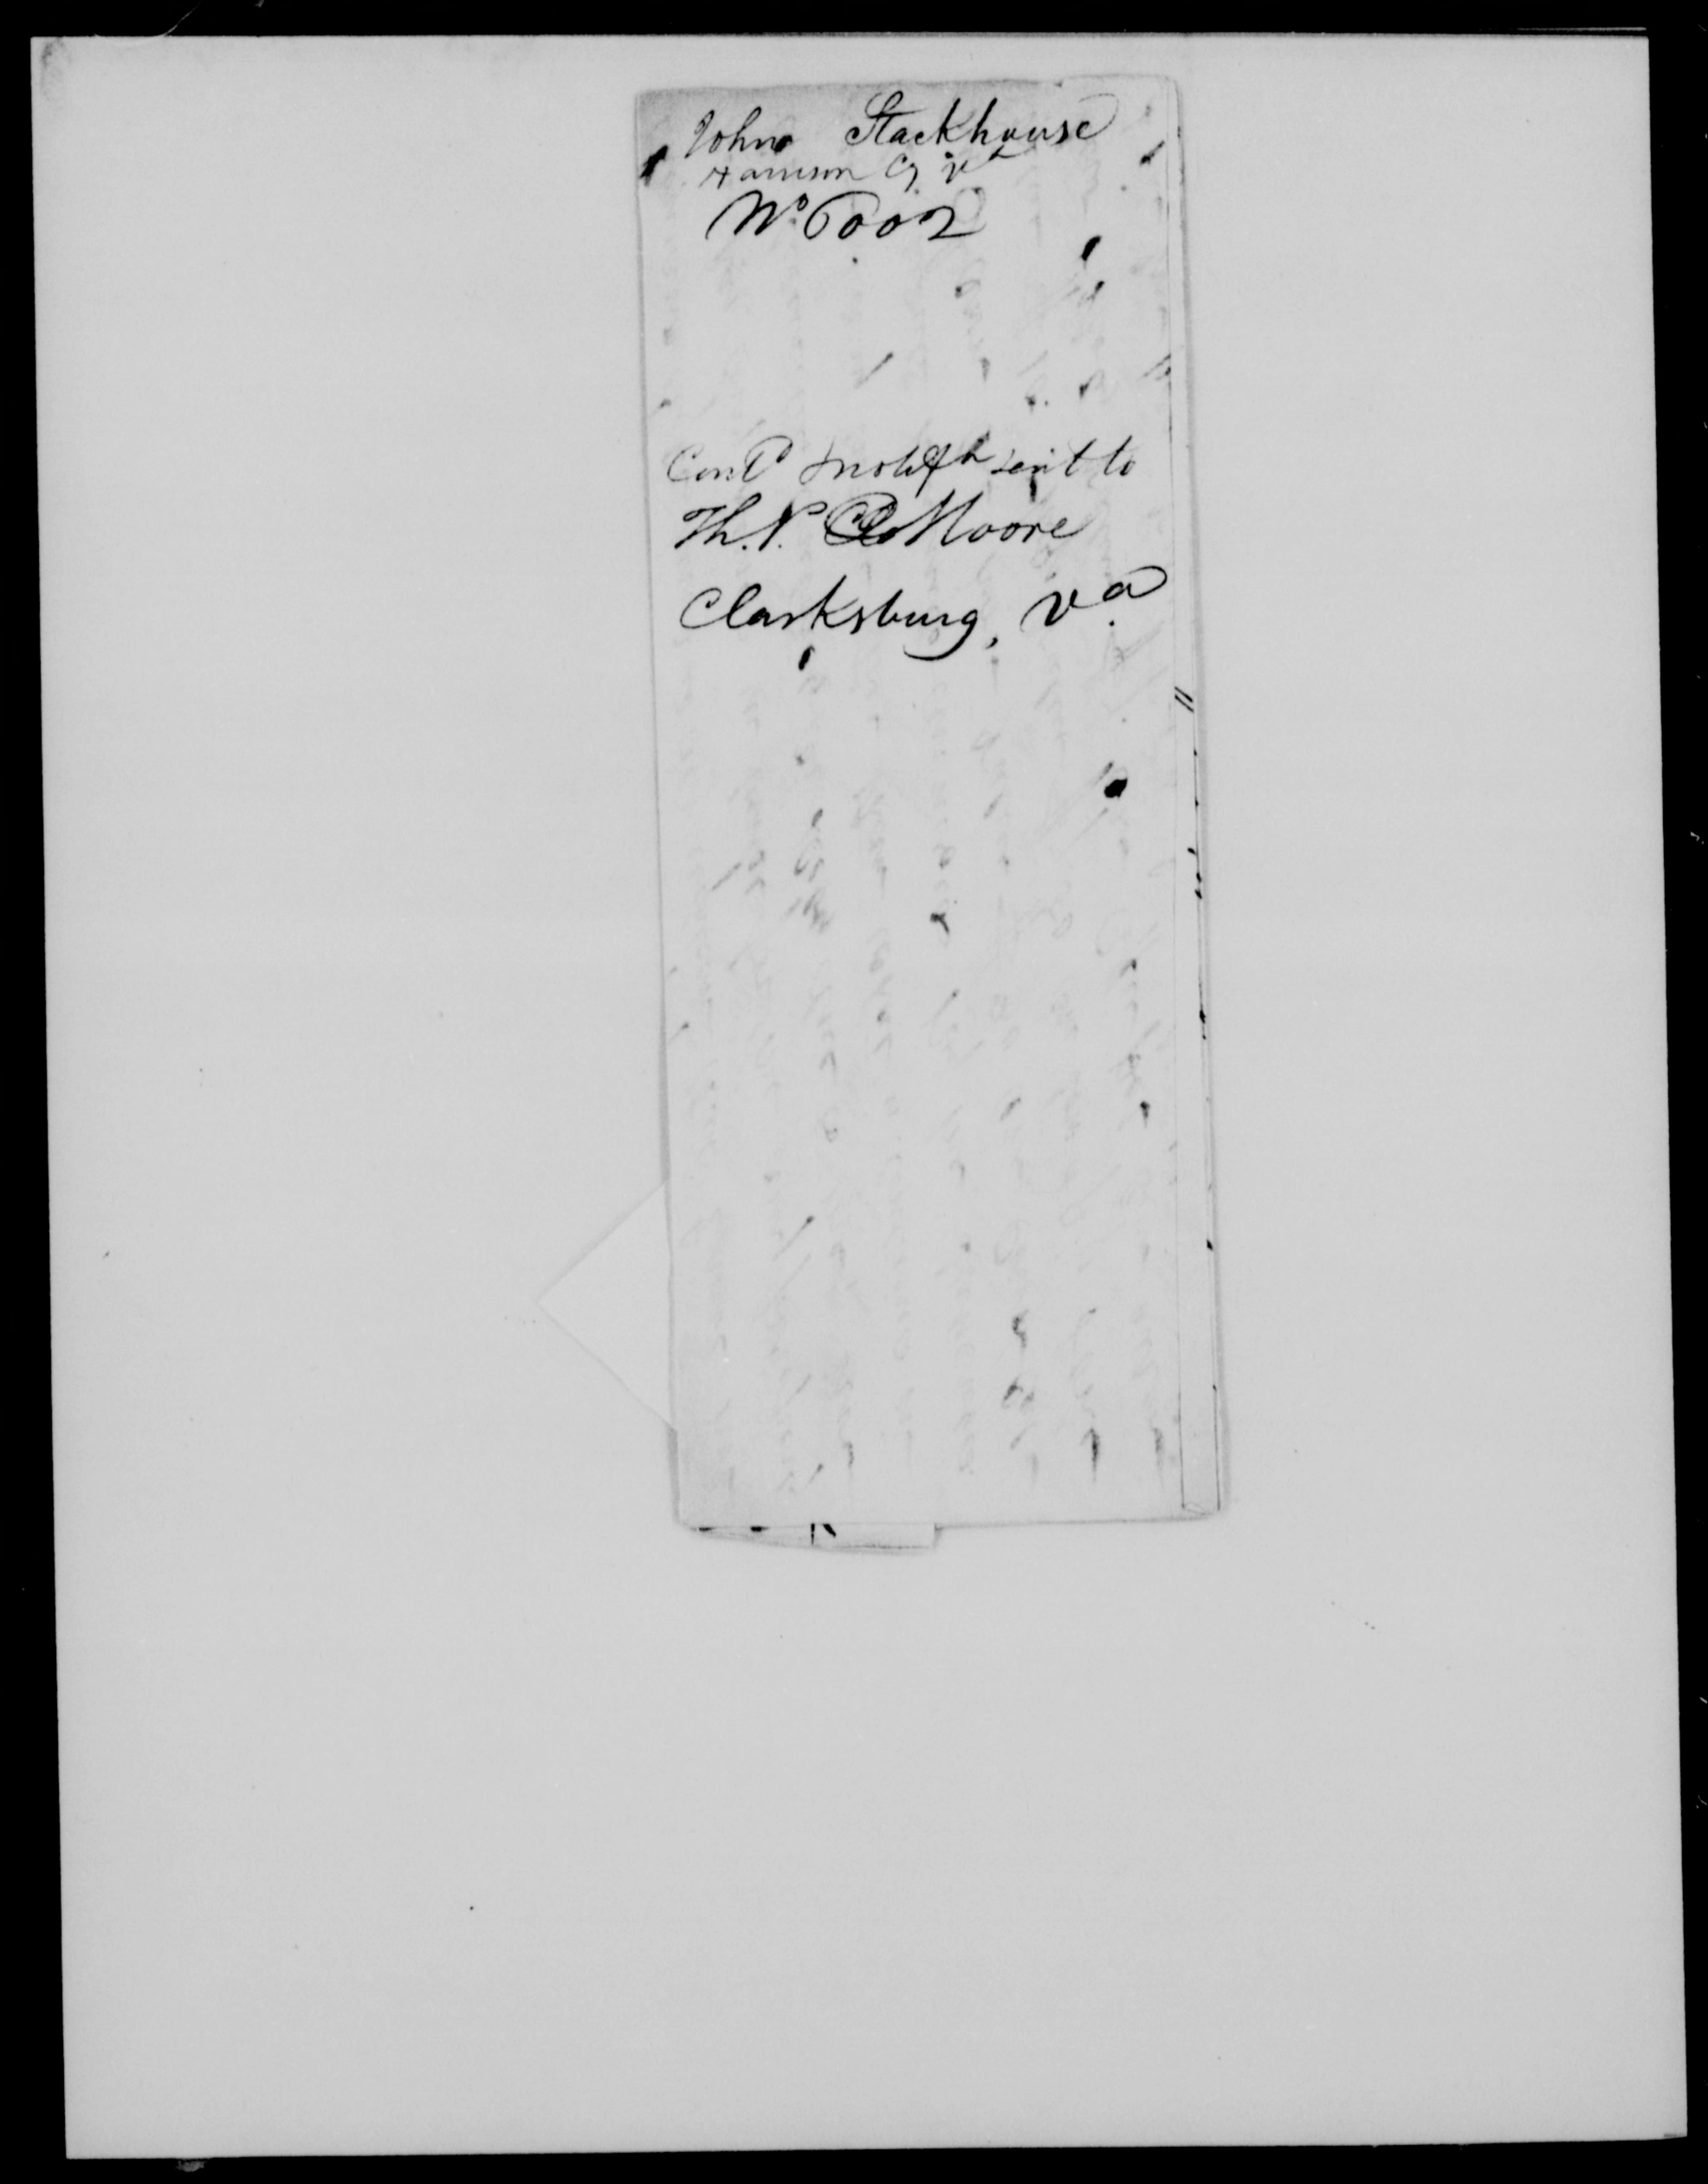John Stackhouse
Harrison Cy. Va
No. 6002
Contd & notif sent to
Th. P. Moore
Clarksburg, Va.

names: John Stackhouse; Th P Moore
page: 6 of 19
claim: survivor's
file: S. 38,409, for John Stackhouse, Virginia